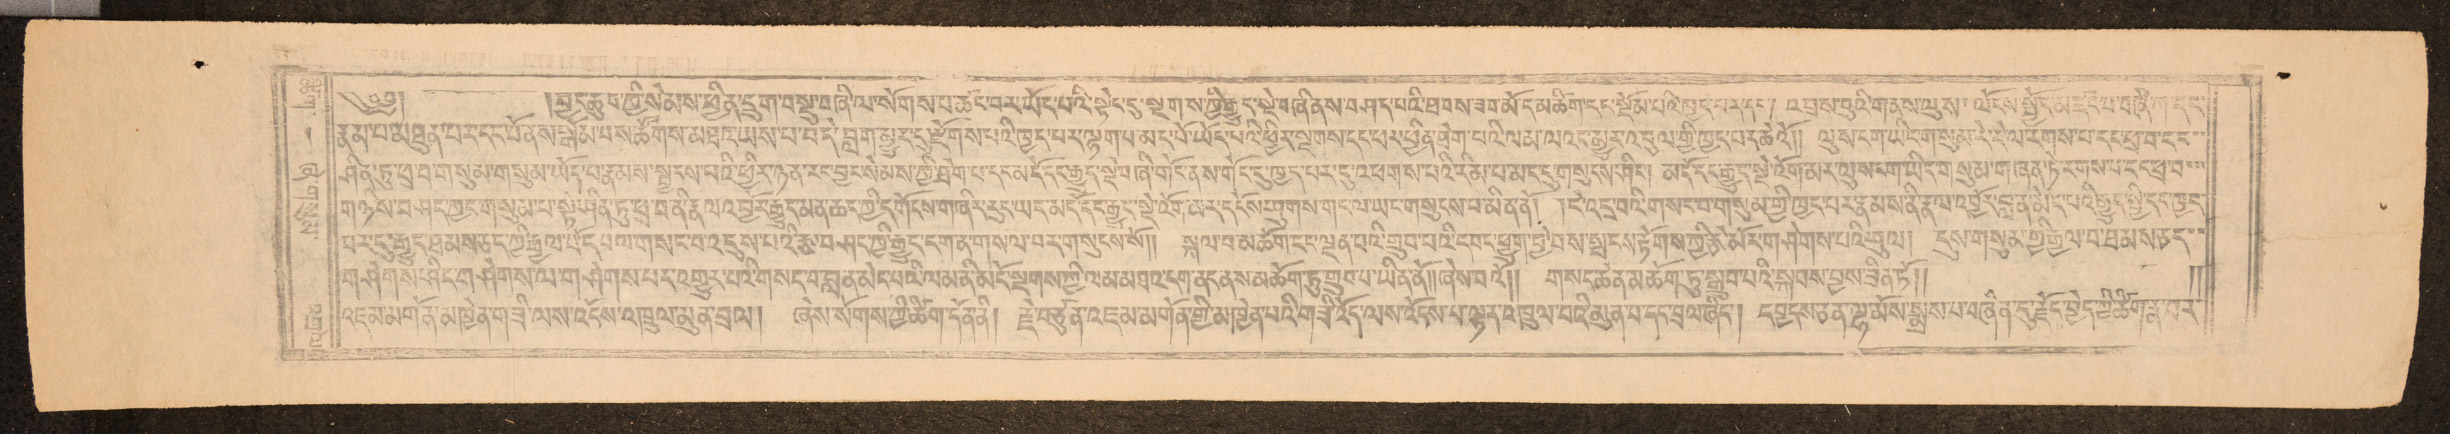༄༅། །བྱང་ཆུབ་ཀྱི་སེམས་ཕྱིན་དྲུག་བསྡུ་བཞི་ལ་སོགས་པ་ཚང་བར་ཡོང་པའི་སྟེང་དུ་སྔགས་ཀྱི་རྒྱུད་སྡེ་བཞི་ནས་བཤད་པའི་ཐབས་ཟབ་མོ་དམ་ཚིག་དང་སྡོམ་པའི་ཁྱད་པར་དང་། འབྲས་བུའི་གནས་ལུས་ལོངས་སྤྱོད་མཛད་པ་བཞི་ཀ་དང་
རྣམ་པ་མཐུན་པར་དང་པོ་ནས་སྒོམ་པས་ཚོགས་མཐའ་ཡས་པ་བདེ་བླག་མྱུར་དུ་རྫོགས་པའི་ཁྱད་པར་ལྷག་པ་མང་པོ་ཡོད་པའི་ཕྱིར་སྔགས་དང་ཕར་ཕྱིན་ཐེག་པའི་ལམ་ལའང་མྱུར་འབུལ་གྱི་ཁྱད་པར་ཆེའོ།། ལུས་ངག་ཡིད་གསུམ་རེ་རེ་ལ་རགས་པ་དང་ཕྲ་བ་དང་
ཤིན་ཏུ་ཕྲ་བ་གསུམ་གསུམ་ཡོད་པ་རྣམས་སྦྱངས་པའི་ཕྱིར་ཉན་རང་བྱང་སེམས་ཀྱི་ཐེག་པ་དང་མདོ་དང་རྒྱུད་སྡེ་བ་ཞི་གོང་ནས་གོང་དུ་ཁྱད་པར་དུ་འཕགས་པའི་རིམ་པ་མང་དུ་གསུངས་ཤིང་། མདོ་དང་རྒྱུད་སྡེ་འོག་མར་ལུས་ངག་ཡིད་གསུམ་གཞན་ཏེ་རགས་པ་དང་ཕྲ་བ་
གཉིས་བཤད་ཀྱང་གསུམ་པ་སྟེ་ཤིན་ཏུ་ཕྲ་བ་ནི་རྣལ་འབྱོར་རྒྱུད་མན་ཆད་ཀྱི་དགོངས་གཞིར་རུང་ཡང་མདོ་དང་རྒྱུད་སྡེ་འོག་མར་དངོས་ཤུགས་གང་ལ་ཡང་གསུངས་པ་མིན་ནོ། །དེ་འདྲ་བའི་གསང་བ་གསུམ་གྱི་ཁྱད་པར་རྣམས་ནི་རྣལ་འབྱོར་བླ་ན་མེད་པའི་རྒྱུད་སྤྱི་དང་ཁྱད་
པར་དུ་རྒྱུད་ཐམས་ཅད་ཀྱི་རྒྱལ་པོ་དཔལ་གསང་བ་འདུས་པའི་རྩ་བཤད་ཀྱི་རྒྱུད་དག་ན་གསལ་བར་གསུངས་སོ།། སྐལ་བ་མཆོག་དང་ལྡན་པའི་གྲུབ་པའི་དབང་ཕྱུག་བྱེ་བས་སྤངས་རྟོགས་ཀྱི་རྩེ་མོར་གཤེགས་པའི་ཤུལ། དུས་གསུམ་གྱི་རྒྱལ་བ་ཐམས་ཅད་
གཤེགས་ཤིང་གཤེགས་ལ་གཤེགས་པར་འགྱུར་པའི་གསང་བ་བླ་ན་མེད་པའི་ལམ་ནི་མངོ་སྔགས་ཀྱི་ལམ་མཐའ་དག་ནང་ནས་མཆོག་ཏུ་གྱུབ་པ་ཡིན་ནོ།། ཞེས་པའོ།། གསང་ཆེན་མཆོག་ཏུ་སྒྲུབ་པའི་སྐབས་བྱས་ཟིན་ཏོ།། །།
འཇམ་མགོན་མཁྱེན་གཟི་ལས་འོངས་འཁྲུལ་མུན་བྲལ། ཞེས་སོགས་ཀྱི་ཚིག་དོན་ནི། རྗེ་བཙུན་འཇམ་མགོན་གྱི་མཁྱེན་པའི་གཟི་འོད་ལས་འོངས་པ་ལྟར་འཁྲུལ་བའི་མུན་པ་དང་བྲལ་ཞིང་། དབྱངས་ཅན་ལྷ་མོས་སྨྲས་པ་བཞིན་དུ་རྗོད་བྱེད་ཀྱི་ཚིག་རྣ་བར་